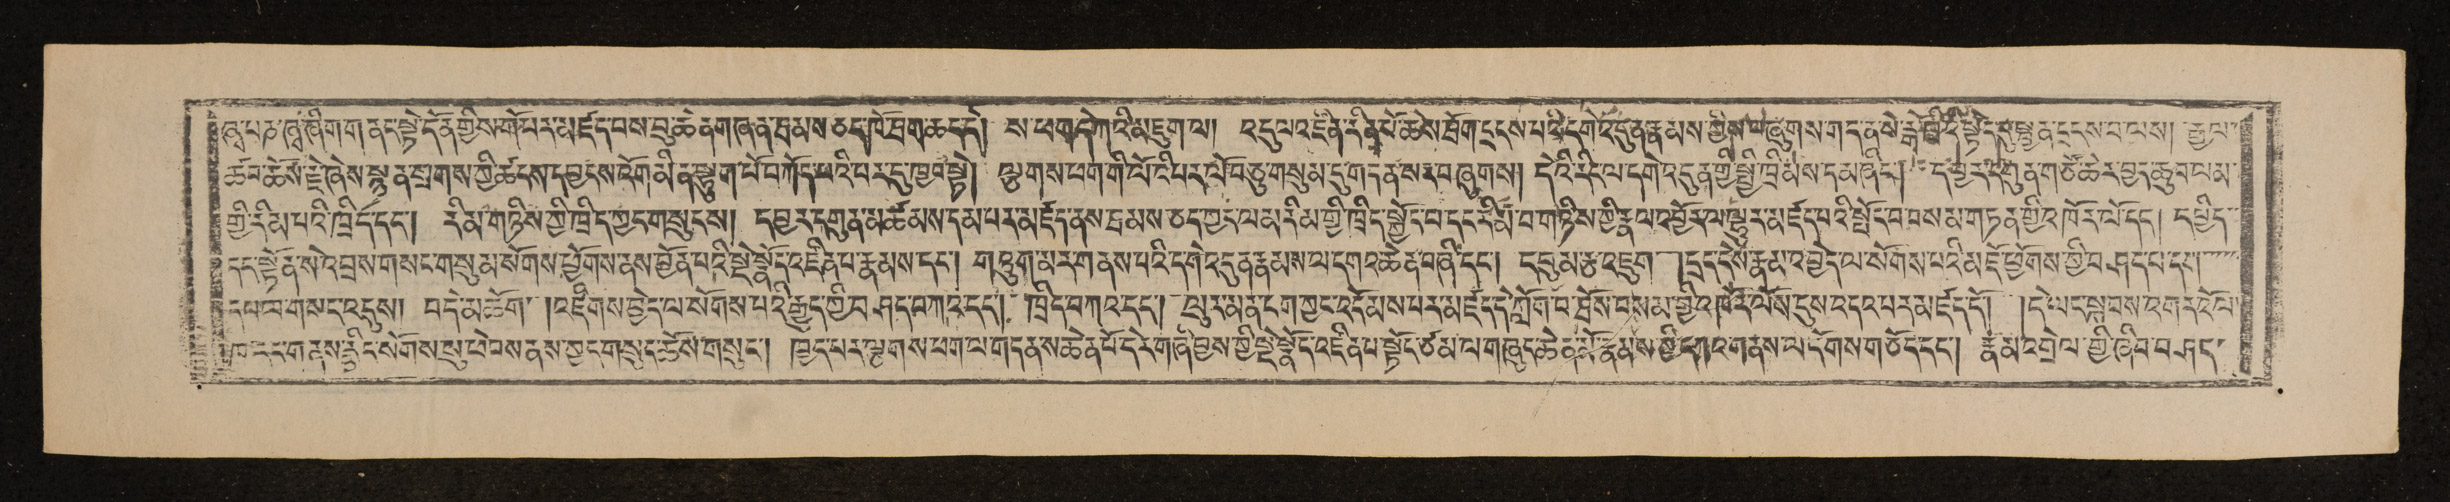ཞྭ་པཎ་ཞྭ་ཞིག་གནང་སྟེ་དོན་གྱིས་གོ་བར་མཛད་པས་བུ་ཆེན་གཞན་ཐམས་ཅད་ཁོ་ཐག་ཆད་དེ། ས་ཕག་དེ་ཀའི་མཇུག་ལ། འདུལ་འཛིན་པོ་ཆེས་ཐོག་དྲངས་བའི་དགེ་འདུན་རྣམས་ཀྱིས་བཞུགས་གདན་སེངྒེའི་ཁྲིའི་སྟེང་དུ་སྤྱན་དྲངས་པ་ལས། རྒྱལ་
ཚབ་ཆོས་རྗེ་ཞེས་སྙན་གྲགས་ཀྱི་ཚངས་དབྱངས་འོག་མིན་སྟུག་པོ་བཀོད་པའི་བར་དུ་ཁྱབ་སྟེ། ལྕགས་ཕག་གི་ལོའི་བར་ལོ་བཅུ་གསུམ་དུ་གདན་སར་བཞུགས། དེའི་རིང་ལ་དགེ་འདུན་གྱི་སྤྱི་ཁྲིམས་དམ་ཞིང་། དབྱར་དགུན་གཙོ་ཆེར་བྱང་ཆུབ་ལམ་
གྱི་རིམ་བའི་ཁྲིད་དང་། རིམ་གཉིས་ཀྱི་ཁྲིད་ཀྱང་གསུངས། དབྱར་དགུན་མཚམས་དམ་པར་མཛད་ནས་ཐམས་ཅད་ཀྱང་ལམ་རིམ་གྱི་ཁྲིད་སྐྱོང་བ་དང་རིམ་པ་གཉིས་ཀྱི་རྣལ་འབྱོར་ལ་ལྷུར་མཛད་པའི་སྤོང་བ་བསམ་གཏན་གྱི་འཁོར་ལོ་དང་། དཔྱིད་
དང་སྟོན་སེ་འབྲས་གསང་གསུམ་སོགས་ཕྱོགས་ནས་བྱོན་པའི་སྡེ་སྣོད་འཛིན་པ་རྣམས་དང་། གཉུག་མར་གནས་པའི་དགེ་འདུན་རྣམས་ལ་དཀའ་ཆེན་བཞི་དང་། དབུམ་རྩ་འཇུག །དྲང་ངེས་རྣམ་འབྱེད་ལ་སོགས་པའི་མདོ་ཕྱོགས་ཀྱི་བཤད་པ་དང་།
དཔལ་གསང་འདུས། བདེ་མཆོག །འཇིགས་བྱེད་ལ་སོགས་པའི་རྒྱུད་ཀྱི་བཤད་བཀའ་དང་། ཁྲིད་བཀའ་དང་། ལུང་མན་ངག་ཀྱང་འདོམས་པར་མཛད་དེ་ཀློག་པ་ཐོས་བསམ་གྱི་འཁོར་ལོས་དུས་འདའ་བར་མཛད་དོ།། དེ་ཡང་སྐབས་འགར་འོལ་
ཁ་དང་གནས་རྙིང་སོགས་སུ་ཕེབས་ནས་ཀྱང་གསུང་ཆོས་གསུང་། ཁྱད་པར་ལྕགས་ཕག་ལ་གདན་ས་ཆེར་པོ་དེར་གཞི་བྱས་ཀྱི་སྡེ་སྣོད་འཛིན་པ་སྟོང་ཙམ་ལ་གཞུང་ཆེན་མོ་རྣམས་ཀྱི་དཀའ་གནས་ལ་དོགས་གཅོད་དང་། རྣམ་འགྲེལ་གྱི་ཞིབ་བཤད་